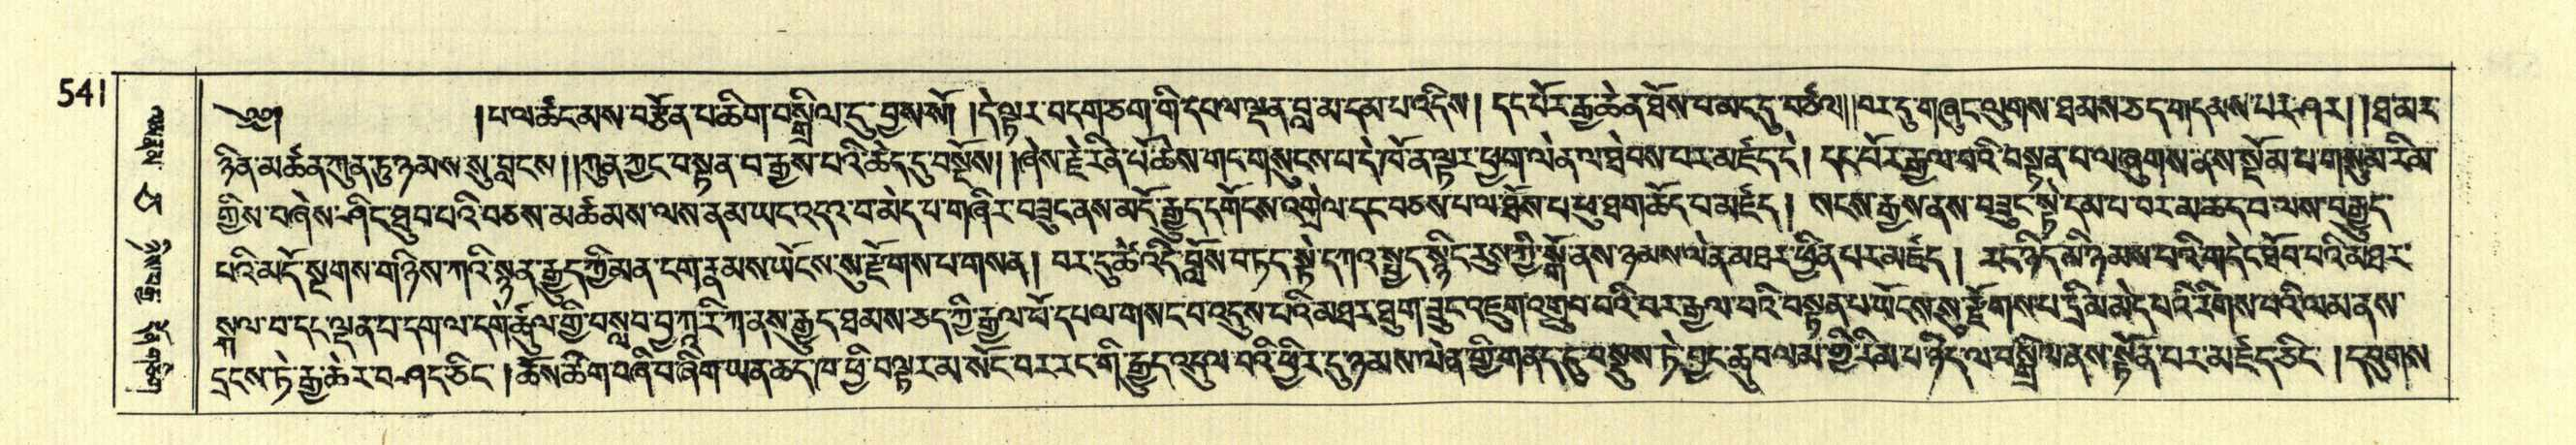༄༅། །པ་ལ་ཚང་མས་བརྩོན་པ་ཆིག་བསྒྲིལ་དུ་བྱས་སོ། །དེ་ལྟར་བདག་ཅག་གི་དཔལ་ལྡན་བླ་མ་དམ་པ་འདིས། དང་པོར་རྒྱ་ཆེན་ཐོས་པ་མང་དུ་བཙལ། །བར་དུ་གཞུང་ལུགས་ཐམས་ཅད་གདམས་པར་ཤར། །ཐ་མར་
ཉིན་མཚན་ཀུན་ཏུ་ཉམས་སུ་བླངས། །ཀུན་ཀྱང་བསྟན་བ་རྒྱས་པའི་ཆེད་དུ་བསྔོས། །ཞེས་རྗེ་རིན་པོ་ཆེས་གང་གསུངས་པ་དེ་ཁོ་ན་ལྟར་ཕྱག་ལེན་ལ་ཐེབས་པར་མཛད་དེ། དང་པོར་རྒྱལ་བའི་བསྟན་པ་ལ་ཞུགས་ནས་སྡོམ་པ་གསུམ་རིམ་
གྱིས་བཞེས་ཤིང་ཐུབ་པའི་བཅས་མཚམས་ལས་ནམ་ཡང་འདའ་བ་མེད་པ་གཞིར་བཟུང་ནས་མདོ་རྒྱུད་དགོངས་འགྲེལ་དང་བཅས་པ་ལ་ཐོས་པ་ཕུ་ཐག་ཆོད་པ་མཛད། སངས་རྒྱས་ནས་བཟུང་སྟེ་དམ་པ་བར་མ་ཆད་པ་ལས་བརྒྱུད་
པའི་མདོ་སྔགས་གཉིས་ཀའི་སྙན་རྒྱུད་ཀྱི་མན་ངག་རྣམས་ཡོངས་སུ་རྫོགས་པ་གསན། བར་དུ་ཚེ་འདི་བློས་བཏང་སྟེ་དཀའ་སྤྱད་སྙིང་རུས་ཀྱི་སྒོ་ནས་ཉམས་ལེན་མཐར་ཕྱིན་པར་མཛད། རང་ཉིད་མི་ཉམས་པའི་གདེང་ཐོབ་པའི་མཐར་
སྐལ་བ་དང་ལྡན་པ་དག་ལ་དགེ་ཚུལ་གྱི་བསླབ་བྱ་ཀཱ་རི་ཀ་ནས་རྒྱུད་ཐམས་ཅད་ཀྱི་རྒྱལ་པོ་དཔལ་གསང་བ་འདུས་པའི་མཐར་ཐུག་ཟུང་འཇུག་འགྲུབ་པའི་བར་རྒྱལ་བའི་བསྟན་པ་ཡོངས་སུ་རྫོགས་པ་དྲི་མ་མེད་པའི་རིགས་པའི་ལམ་ནས་
དྲངས་ཏེ་རྒྱ་ཆེར་བཤད་ཅིང་།ཆོས་ཚིག་བཞི་པ་ཞིག་ཡན་ཆད་ཁ་ཕྱི་བལྟར་མ་སོང་བར་རང་གི་རྒྱུད་འདུལ་བའི་ཕྱིར་དུ་ཉམས་ལེན་གྱི་གནད་དུ་བསྡུས་ཏེ་བྱང་ཆུབ་ལམ་གྱི་རིམ་པ་ཉིད་ལ་བསྒྲིལ་ནས་སྟོན་པར་མཛད་ཅིང་།དབུགས་